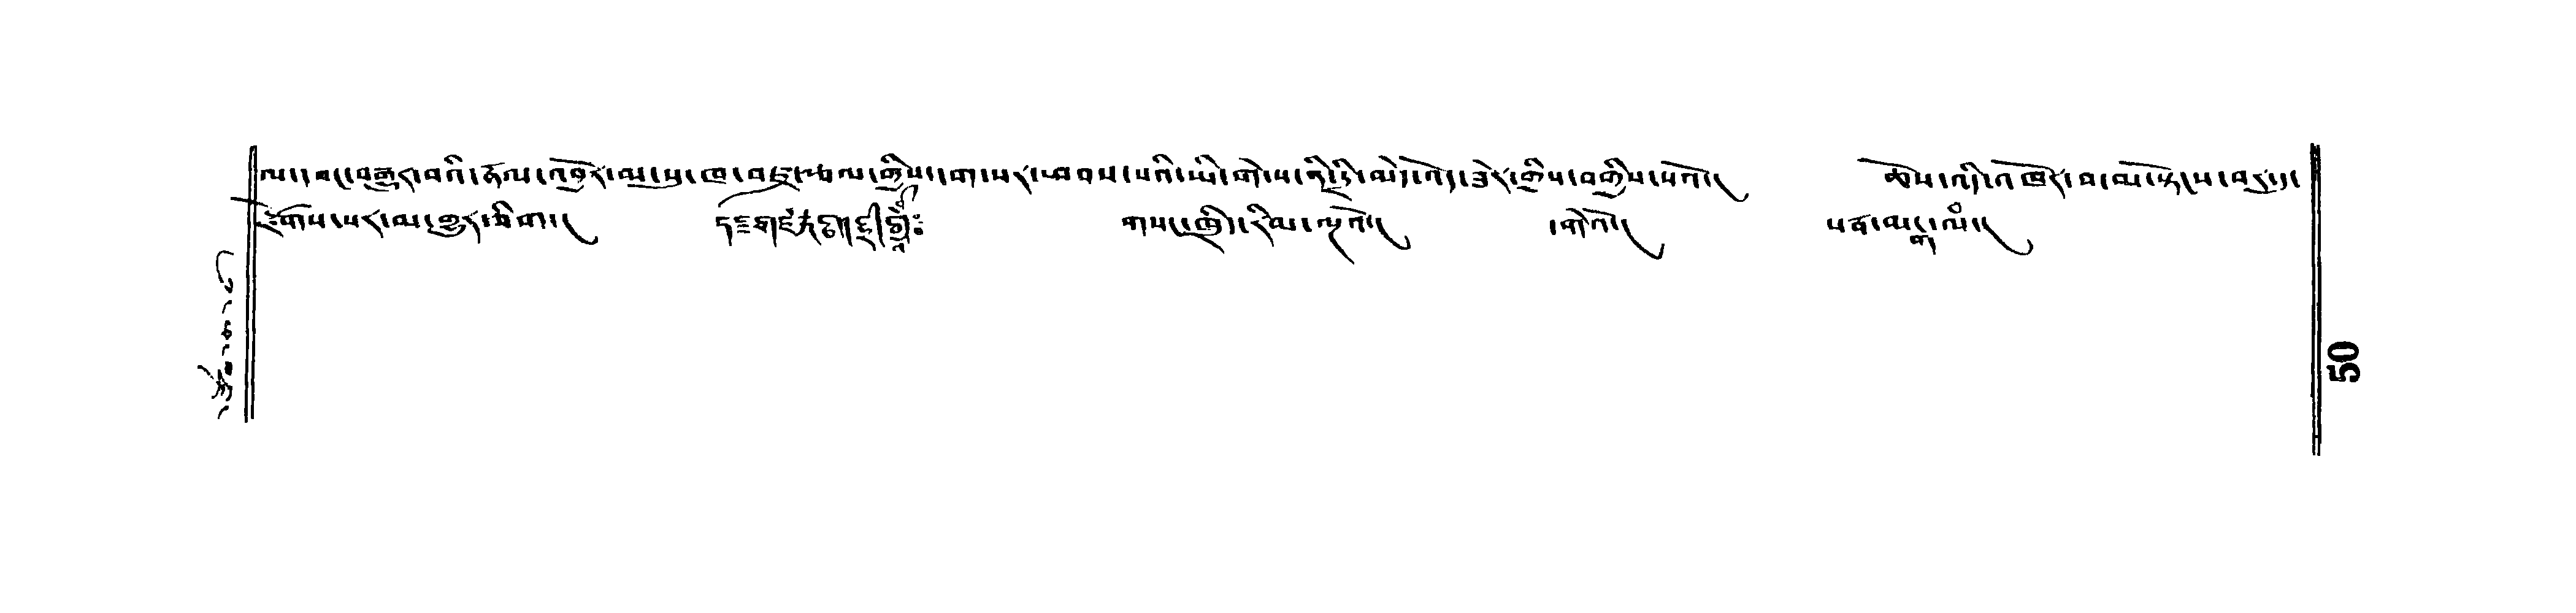ལ་དབང་བསྒྱུར་བའི་རྣལ་འབྱོར་མ་སུ་ཁ་བཛྲ་རྩལ་གྱིས་དག་པར་ཕབ་པའི་ཡི་གེ་པ་ནི་དྲི་མེད་འོད་ཟེར་གྱིས་བགྱིས་པའོ། ཆོས་འདི་འཁོར་བ་མ་སྟོངས་བར་དུ་
རྫོགས་པར་མ་གྱུར་ཅིག གསང་ཁྲིད་རིམ་ལྔའོ།། སརྦ་མངྒ་ལཾ།